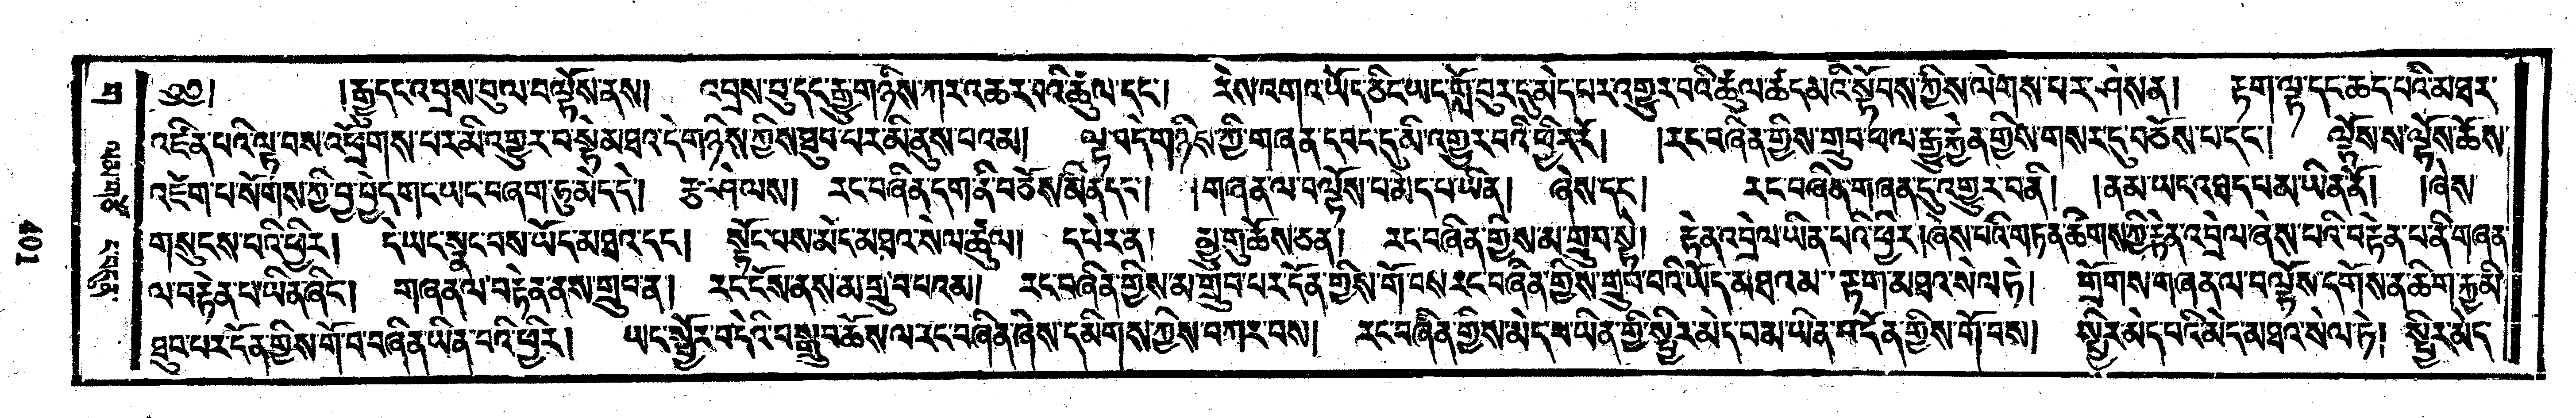༄༅། །རྒྱུ་དང་འབྲས་བུ་ལ་བལྟོས་ནས། འབྲས་བུ་དང་རྒྱུ་གཉིས་ཀར་འཆར་བའི་ཚུལ་དང་། རེས་འགའ་ཡོད་ཅིང་ཡང་གློ་བུར་དུ་མེད་པར་འགྱུར་བའི་ཚུལ་ཚད་མའི་སྟོབས་ཀྱིས་ལེགས་པར་ཤེས་ན། རྟག་ལྟ་དང་ཆད་པའི་མཐར་
འཛིན་པའི་ལྟ་བས་འཕྲོགས་པར་མི་འགྱུར་བ་སྟེ་མཐའ་དེ་གཉིས་ཀྱིས་ཐུབ་པར་མི་ནུས་པའམ། ལྷ་བདེ་གཉིས་ཀྱི་གཞན་དབང་དུ་མི་འགྱུར་བའི་ཕྱིར་རོ། །རང་བཞིན་གྱིས་གྲུབ་པ་ལ་རྒྱུ་རྐྱེན་གྱིས་གསར་དུ་བཅོས་པ་དང་། ལྟོས་ས་ལྟོས་ཆོས་
འཇོག་པ་སོགས་ཀྱི་བྱ་བྱེད་གང་ཡང་བཞག་ཏུ་མེད་དེ། རྩ་ཤེ་ལས། རང་བཞིན་དག་ནི་བཅོས་མིན་དང་། །གཞན་ལ་བལྟོས་པ་མེད་པ་ཡིན། ཞེས་དང་། རང་བཞིན་གཞན་དུ་འགྱུར་བ་ནི། །ནམ་ཡང་འཐད་པ་མ་ཡིན་ནོ། །ཞེས་
གསུངས་པའི་ཕྱིར། དེ་ཡང་སྣང་བས་ཡོད་མཐའ་དང་། སྟོང་བས་མེད་མཐའ་སེལ་ཚུལ། དཔེར་ན། མྱུ་གུ་ཆོས་ཅན། རང་བཞིན་གྱིས་མ་གྲུབ་སྟེ། རྟེན་འབྲེལ་ཡིན་པའི་ཕྱིར་།ཞེས་པའི་གཏན་ཚིགས་ཀྱི་རྟེན་འབྲེལ་ཞེས་པའི་བརྟེན་པ་ནི་གཞན་
ལ་བརྟེན་པ་ཡིན་ཞིང་། གཞན་ལ་བརྟེན་ནས་གྲུབ་ན། རང་ངོས་ནས་མ་གྲུབ་པའམ། རང་བཞིན་གྱིས་མ་གྲུབ་པར་དོན་གྱིས་གོ་བས་རང་བཞིན་གྱིས་གྲུབ་པའི་ཡོད་མཐའ་མ་རྟག་མཐའ་སེལ་ཏེ། གྲོགས་གཞན་ལ་བལྟོས་དགོས་ན་ཆིག་རྐྱ་མི་
ཐུབ་པར་དོན་གྱིས་གོ་བ་བཞིན་ཡིན་པའི་ཕྱིར། ཡང་སྦྱོར་བ་དེའི་བསྒྲུབ་ཆོས་ལ་རང་བཞིན་ཞེས་དམིགས་ཀྱིས་བཀར་བས། རང་བཞིན་གྱིས་མེད་པ་ཡིན་གྱི་སྤྱིར་མེད་པ་མ་ཡིན་པ་དོན་གྱིས་གོ་བས། སྤྱིར་མེད་པའི་མེད་མཐའ་སེལ་ཏེ། སྤྱིར་མེད་